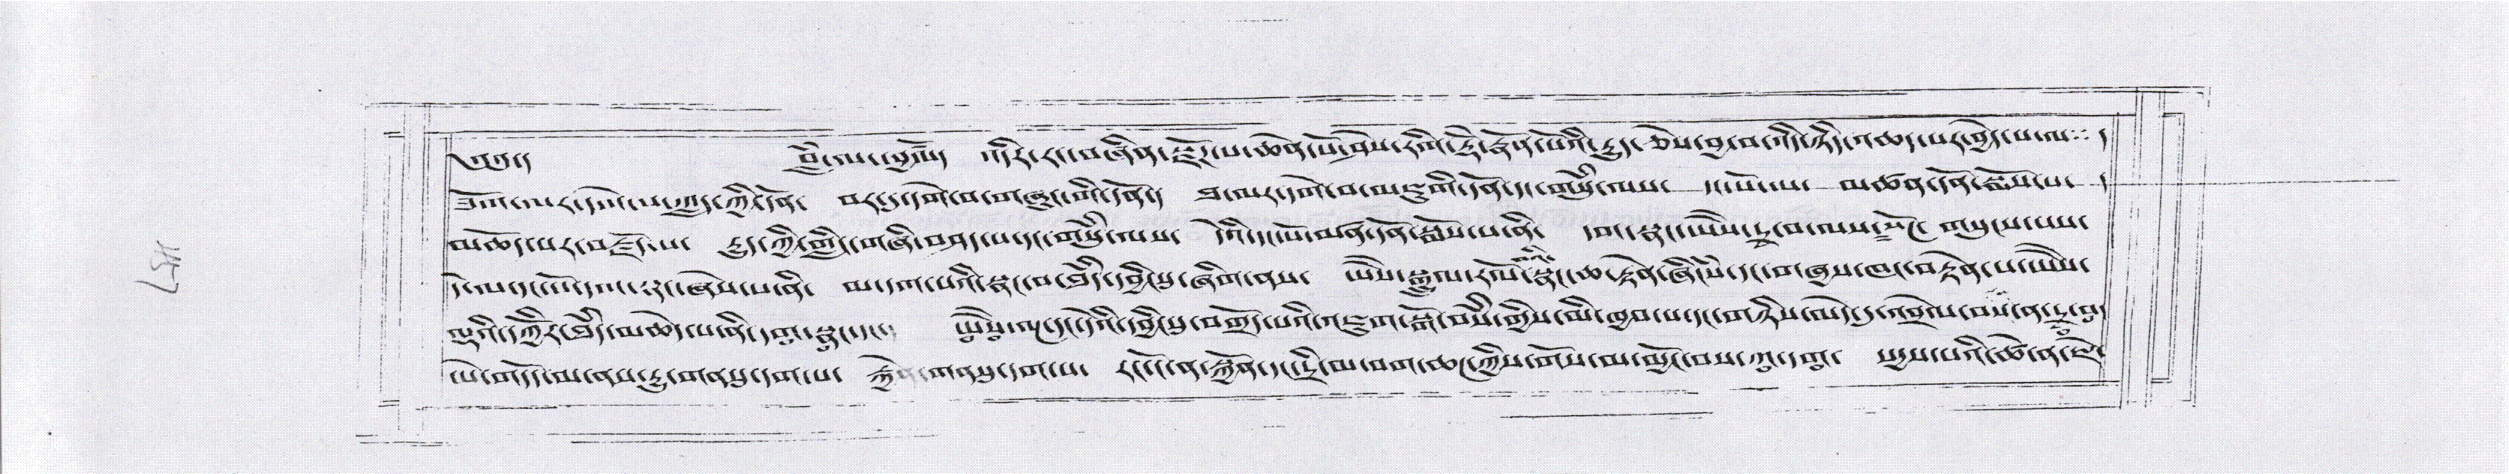༄༅།། བླ་མ་ལ་ཕྱག་འཚལ་ལོ། འདིར་རང་བཞིན་རྫོགས་པ་ཆེན་པོ་ཤེས་རིག་རྡོ་རྗེ་རྣོན་པའི་རྒྱུད་ཅེས་བྱ་བ་འདི་ཉིད་འཆད་པར་བྱེད་པ་ལ། 
ཐོག་མར་དགེ་བ་ཀླད་ཀྱི་དོན། བར་དུ་དགེ་བ་གཞུང་གི་དོན། ཐ་མར་དགེ་བ་མཇུག་གི་དོན་དང་གསུམ་ལས། དང་པོ་ལ། མཚན་དོན་སྨོས་པ། 
མཆོད་པར་བརྗོད་པ། རྒྱུད་ཀྱི་གླེང་གཞི་བཤད་པ་དང་གསུམ་ལས། དེའི་དང་པོ་མཚན་དོན་སྨོས་པ་ནི། དག་སྣང་ཡེ་ཤེས་དྲྭ་བ་ལས། སོགས་གསུངས་པས་
དེ་ལས་དང་པོ་དག་སྣང་ཞེས་པ་ནི། མ་དག་པའི་སྣང་བ་ཐམས་ཅད་དབྱིངས་སུ་ཞིག་ནས། ཡེ་ཤེས་སྒྱུ་འཕྲུལ་རོལ་པའི་སྣང་ཆ་རྟེན་ཞིང་ཁམས་དང་གཞལ་ཡས་ཁང་བརྟེན་པ་ཡེ་ཤེས་
ལྷ་ཡི་དཀྱིལ་འཁོར་ཐམས་ཅད་མཆེད་པ་ནི་དག་སྣང་དང་། ཡེ་ཤེས་ལྔ་དང་དེའི་དབྱིངས་སུ་བགྲོད་པའི་འཇུག་སྒོ་བསམ་གྱིས་མི་ཁྱབ་པ་དང་གཉིས་མེད་དུ་འབྲེལ་བས་ན་དྲྭ་བ། 
ཡེ་གདོད་མ་ནས་རྒྱུ་གནས་སུ་དག་པ། རྐྱེན་གནས་སུ་དག་པ་རང་ངོ་ན་སྐྱོན་དང་དྲི་མ་བག་ཆགས་ཀྱིས་གོས་མ་མྱོང་བས་ཀ་དག སངས་རྒྱས་པའི་ཚེ་